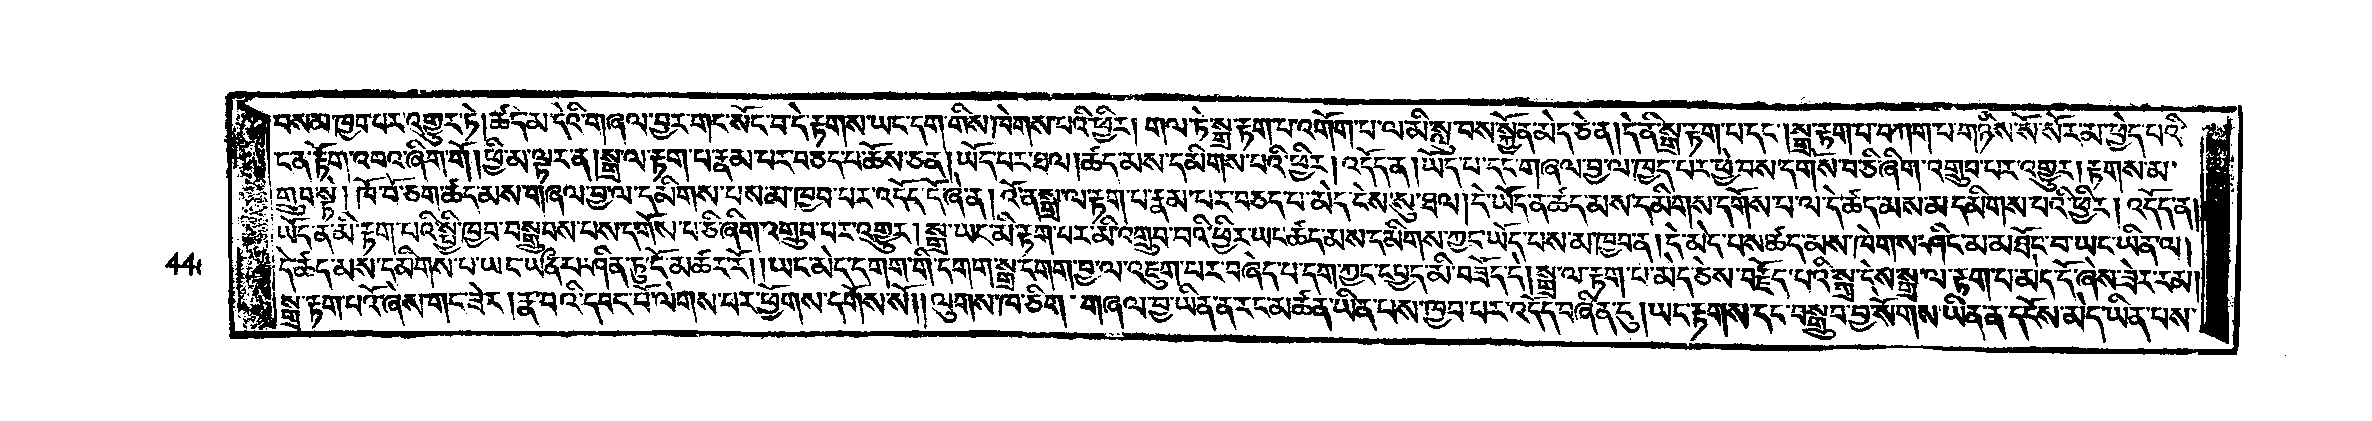བསམ་ཁྱབ་པར་འགྱུར་ཏེ། ཚད་མ་དེའི་གཞལ་བྱར་གང་སོང་བ་དེ་རྟགས་ཡང་དག་གིས་ཁེགས་པའི་ཕྱིར། གལ་ཏེ་སྒྲ་རྟག་པ་འགོག་པ་ལ་མི་སླུ་བས་སྐྱོན་མེད་ཅེ་ན། དེ་ནི་སྒྲ་རྟག་པ་དང་། སྒྲ་རྟག་པ་བཀག་པ་གཉིས་སོ་སོར་མ་ཕྱེད་པའི་
ངན་རྟོག་འབའ་ཞིག་གོ །ཕྱི་མ་ལྟར་ན། སྒྲ་ལ་རྟག་པ་རྣམ་པར་བཅད་པ་ཆོས་ཅན། ཡོད་པར་ཐལ། ཚད་མས་དམིགས་པའི་ཕྱིར། འདོད་ན། ཡོད་པ་དང་གཞལ་བྱ་ལ་ཁྱད་པར་ཕྱེ་བས་དགོས་པ་ཅི་ཞིག་འགྲུབ་པར་འགྱུར། རྟགས་མ་
གྲུབ་སྟེ། ཁོ་བོ་ཅག་ཚད་མས་གཞལ་བྱ་ལ་དམིགས་པས་མ་ཁྱབ་པར་འདོད་དོ་ཞེ་ན། འོ་ན་སྒྲ་ལ་རྟག་པ་རྣམ་པར་བཅད་པ་མེད་ངེས་སུ་ཐལ། དེ་ཡོད་ན་ཚད་མས་དམིགས་དགོས་པ་ལ་དེ་ཚད་མས་མ་དམིགས་པའི་ཕྱིར། འདོད་ན།
ཡོད་ན་མི་རྟག་པའི་སྤྱི་ཁྱབ་བསྒྲུབས་པས་དགོས་པ་ཅི་ཞིག་འགྲུབ་པར་འགྱུར། སྒྲ་ཡང་མི་རྟག་པར་མི་འགྲུབ་པའི་ཕྱིར་ཡང་ཚད་མས་དམིགས་ཀྱང་ཡོད་པས་མ་ཁྱབ་ན། དེ་མེད་པས་ཚད་མས་ཁེགས་ཤིང་མ་མཐོང་བ་ཡང་ཡིན་ལ།
དེ་ཚད་མས་དམིགས་པ་ཡང་ཡིན་པ་ཤིན་ཏུ་ངོ་མཚར་རོ། །ཡང་མེད་དགག་གི་དགག་སྒྲ་དགག་བྱ་ལ་འཇུག་པར་བཞེད་པ་དག་ཀྱང་དཔྱད་མི་བཟོད་དེ། སྒྲ་ལ་རྟག་པ་མེད་ཅེས་བརྗོད་པའི་སྒྲ་དེས་སྒྲ་ལ་རྟག་པ་མེད་དོ་ཞེས་ཟེར་རམ།
སྒྲ་རྟག་པའོ་ཞེས་གང་ཟེར་།རྣ་བའི་དབང་པོ་ལེགས་པར་ཕྱོགས་དགོས་སོ། །ལུགས་ཁ་ཅིག་གཞལ་བྱ་ཡིན་ན་རང་མཚན་ཡིན་པས་ཁྱབ་པར་འདོད་བཞིན་དུ། ཡང་རྟགས་དང་བསྒྲུབ་བྱ་སོགས་ཡིན་ན་དངོས་མེད་ཡིན་པས་